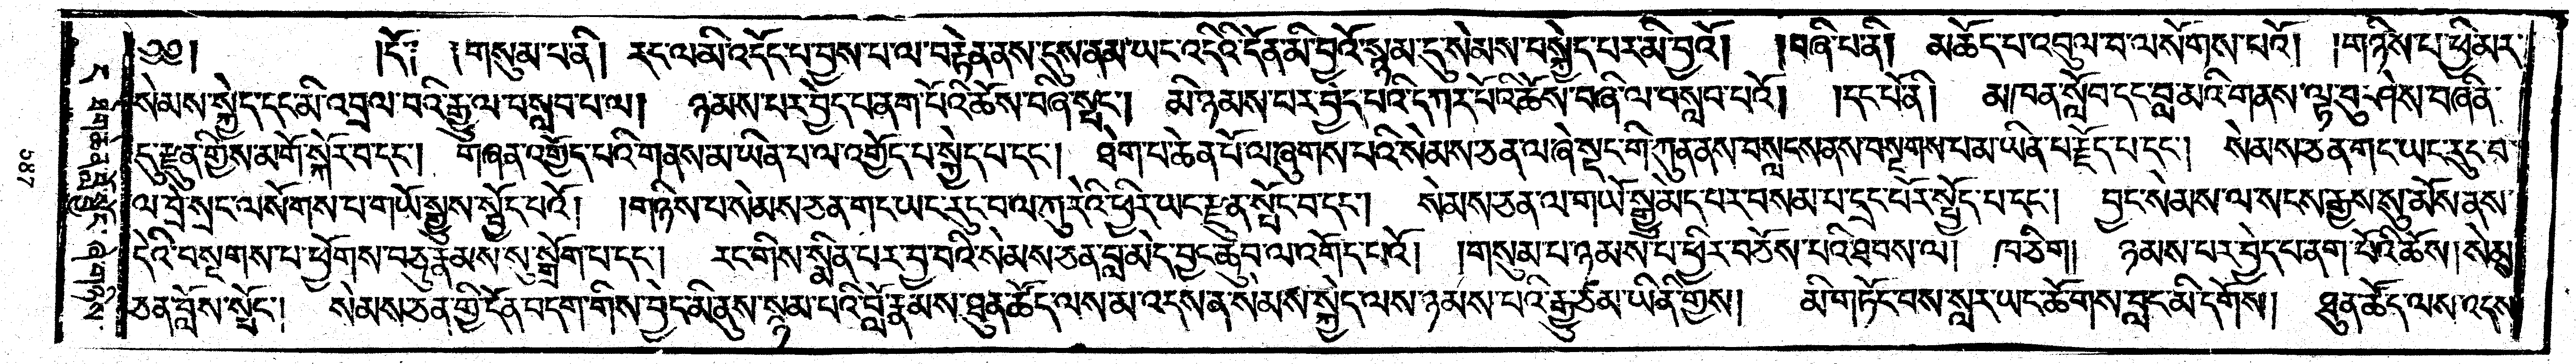༄༅། །དོ༑ ༑གསུམ་པ་ནི། རང་ལ་མི་འདོད་པ་བྱས་པ་ལ་བརྟེན་ནས་དུས་ནམ་ཡང་འདིའི་དོན་མི་བྱའོ་སྙམ་དུ་སེམས་བསྐྱེད་པར་མི་བྱའོ། །བཞི་པ་ནི། མཆོད་པ་འབུལ་བ་ལ་སོགས་པའོ། །གཉིས་པ་ཕྱི་མར་
སེམས་སྐྱེད་དང་མི་འབྲལ་བའི་རྒྱུ་ལ་བསླབ་པ་ལ། ཉམས་པར་བྱེད་པ་ནག་པོའི་ཆོས་བཞི་སྤང་། མི་ཉམས་པར་བྱེད་པའི་དཀར་པོའི་ཆོས་བཞི་ལ་བསླབ་པའོ། །དང་པོ་ནི། མཁན་སློབ་དང་བླ་མའི་གནས་ལྟ་བུ་ཤེས་བཞིན་
དུ་རྫུན་གྱིས་མགོ་སྐོར་བ་དང་། གཞན་འགྱོད་པའི་གནས་མ་ཡིན་པ་ལ་འགྱོད་པ་སྐྱེད་པ་དང་། ཐེག་པ་ཆེན་པོ་ལ་ཞུགས་པའི་སེམས་ཅན་ལ་ཞེ་སྡང་གི་ཀུན་ནས་བསླངས་ནས་བསྔགས་པ་མ་ཡིན་པ་རྗོད་པ་དང་། སེམས་ཅན་གང་ཡང་རུང་བ་
ལ་བྲེ་སྲང་ལ་སོགས་པ་གཡོ་སྒྱུས་སྦྱོད་པའོ། །གཉིས་པ་སེམས་ཅན་གང་ཡང་རུང་བ་ལ་ཀུ་རེའི་ཕྱིར་ཡང་རྫུན་སྤོང་བ་དང་། སེམས་ཅན་ལ་གཡོ་སྒྱུ་མེད་པར་བསམ་པ་དྲང་པོར་སྤྱོད་པ་དང་། བྱང་སེམས་ལ་སངས་རྒྱས་སུ་མོས་ནས་
དེའི་བསྔགས་པ་ཕྱོགས་བཅུ་རྣམས་སུ་སྒྲོག་པ་དང་། རང་གིས་སྨིན་པར་བྱ་བའི་སེམས་ཅན་བླ་མེད་བྱང་ཆུབ་ལ་འགོད་པའོ། །གསུམ་པ་ཉམས་པ་ཕྱིར་བཅོས་པའི་ཐབས་ལ། ཁ་ཅིག། ཉམས་པར་བྱེད་པ་ནག་པོའི་ཆོས། སེམས་
ཅན་བློས་སྤོང་། སེམས་ཅན་གྱི་དོན་བདག་གིས་བྱེད་མི་ནུས་སྙམ་པའི་བློ་རྣམས་ཐུན་ཚོད་ལས་མ་འདས་ན་སེམས་སྐྱེད་ལས་ཉམས་པའི་རྒྱུ་ཙམ་ཡིན་གྱིས། མི་གཏོང་བས་སླར་ཡང་ཆོ་གས་བླང་མི་དགོས། ཐུན་ཚོད་ལས་འདས་